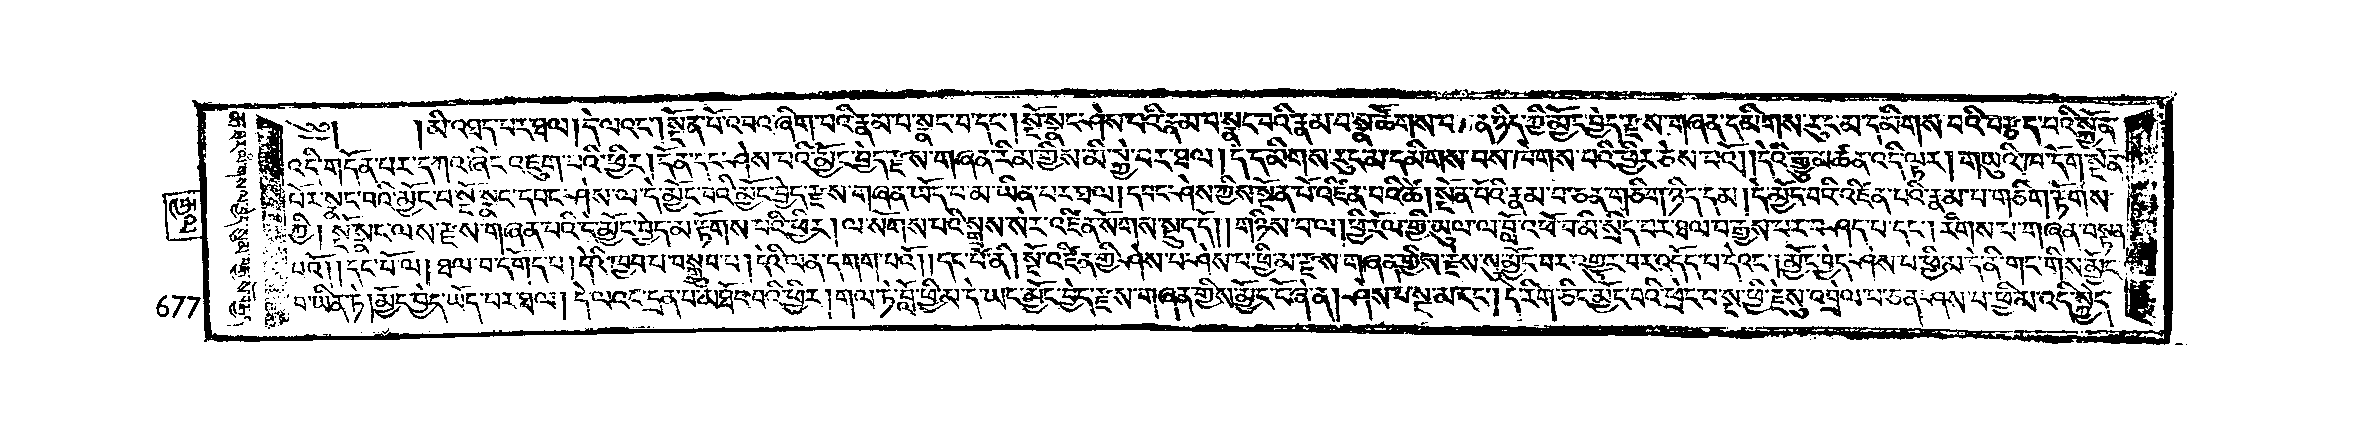༄༅། །མི་འཐད་པར་ཐལ། དེ་ལའང་། སྔོན་པོ་འབའ་ཞིག་པའི་རྣམ་པ་སྣང་བ་དང་། སྔོ་སྣང་ཤེས་པའི་རྣམ་པ་སྣང་བའི་རྣམ་པ་སྣ་ཚོགས་པ་ཅན་ཉིད་ཀྱི་མྱོང་བྱེད་རྫས་གཞན་དམིགས་རུང་མ་དམིགས་པའི་བརྩད་པའི་སྐྱོན་
འདི་གདོན་པར་དཀའ་ཞིང་འཇུག་པའི་ཕྱིར། དོན་དང་ཤེས་པའི་མྱོང་བྱེད་རྫས་གཞན་རིམ་གྱིས་མི་སྐྱེ་བར་ཐལ། དེ་དམིགས་རུང་མ་དམིགས་པས་ཁེགས་པའི་ཕྱིར་ཅེས་པའོ། །དེའི་རྒྱུ་མཚན་འདི་ལྟར། གཡུའི་ཁ་དོག་སྔོན་
པོར་སྣང་བའི་མྱོང་བ་སྔོ་སྣང་དབང་ཤེས་ལ་དེ་མྱོང་བའི་མྱོང་བྱེད་རྫས་གཞན་ཡོད་པ་མ་ཡིན་པར་ཐལ། དབང་ཤེས་ཀྱིས་སྔོན་པོ་འཛིན་པའི་ཚེ། སྔོན་པོའི་རྣམ་པ་ཅན་གཅིག་ཉིད་དམ། དེ་མྱོང་བའི་འཛིན་པའི་རྣམ་པ་གཅིག་རྟོགས་
ཀྱི། སྔོ་སྣང་ལས་རྫས་གཞན་པའི་དེ་མྱོང་བྱེད་མ་རྟོགས་པའི་ཕྱིར། ལ་སོགས་པའི་སྒྲས་སེར་འཛིན་སོགས་སྡུད་དོ། །གཉིས་པ་ལ། ཕྱི་རོལ་གྱི་ཡུལ་ལ་བློ་འཕོ་བ་མི་སྲིད་པར་ཐལ་བ་རྒྱས་པར་བཤད་པ་དང་། རིགས་པ་གཞན་བསྟན་
པའོ། །དང་པོ་ལ། ཐལ་བ་དགོད་པ། དེའི་ཁྱབ་པ་བསྒྲུབ་པ། དེའི་ལན་དགག་པའོ། །དང་པོ་ནི། སྔོ་འཛིན་གྱི་ཤེས་པ་ཤེས་པ་ཕྱི་མ་རྫས་གཞན་གྱིས་རྗེས་སུ་མྱོང་བར་འགྱུར་བར་འདོད་པ་དེའང་། མྱོང་བྱེད་ཤེས་པ་ཕྱི་མ་དེ་ནི་གང་གིས་མྱོང་
བ་ཡིན་ཏེ། མྱོང་བྱེད་ཡོད་པར་ཐལ། དེ་ལའང་དྲན་པ་མཐོང་བའི་ཕྱིར། གལ་ཏེ་བློ་ཕྱི་མ་དེ་ཡང་མྱོང་བྱེད་རྫས་གཞན་གྱིས་མྱོང་ངོ་ཞེ་ན། ཤེས་པ་སྔ་མ་དང་། དེ་རིག་ཅིང་མྱོང་བའི་ཕྲེང་བ་སྔ་ཕྱི་རྗེས་སུ་འབྲེལ་པ་ཅན་ཤས་པ་ཕྱི་མ་འདི་སྐྱེད་